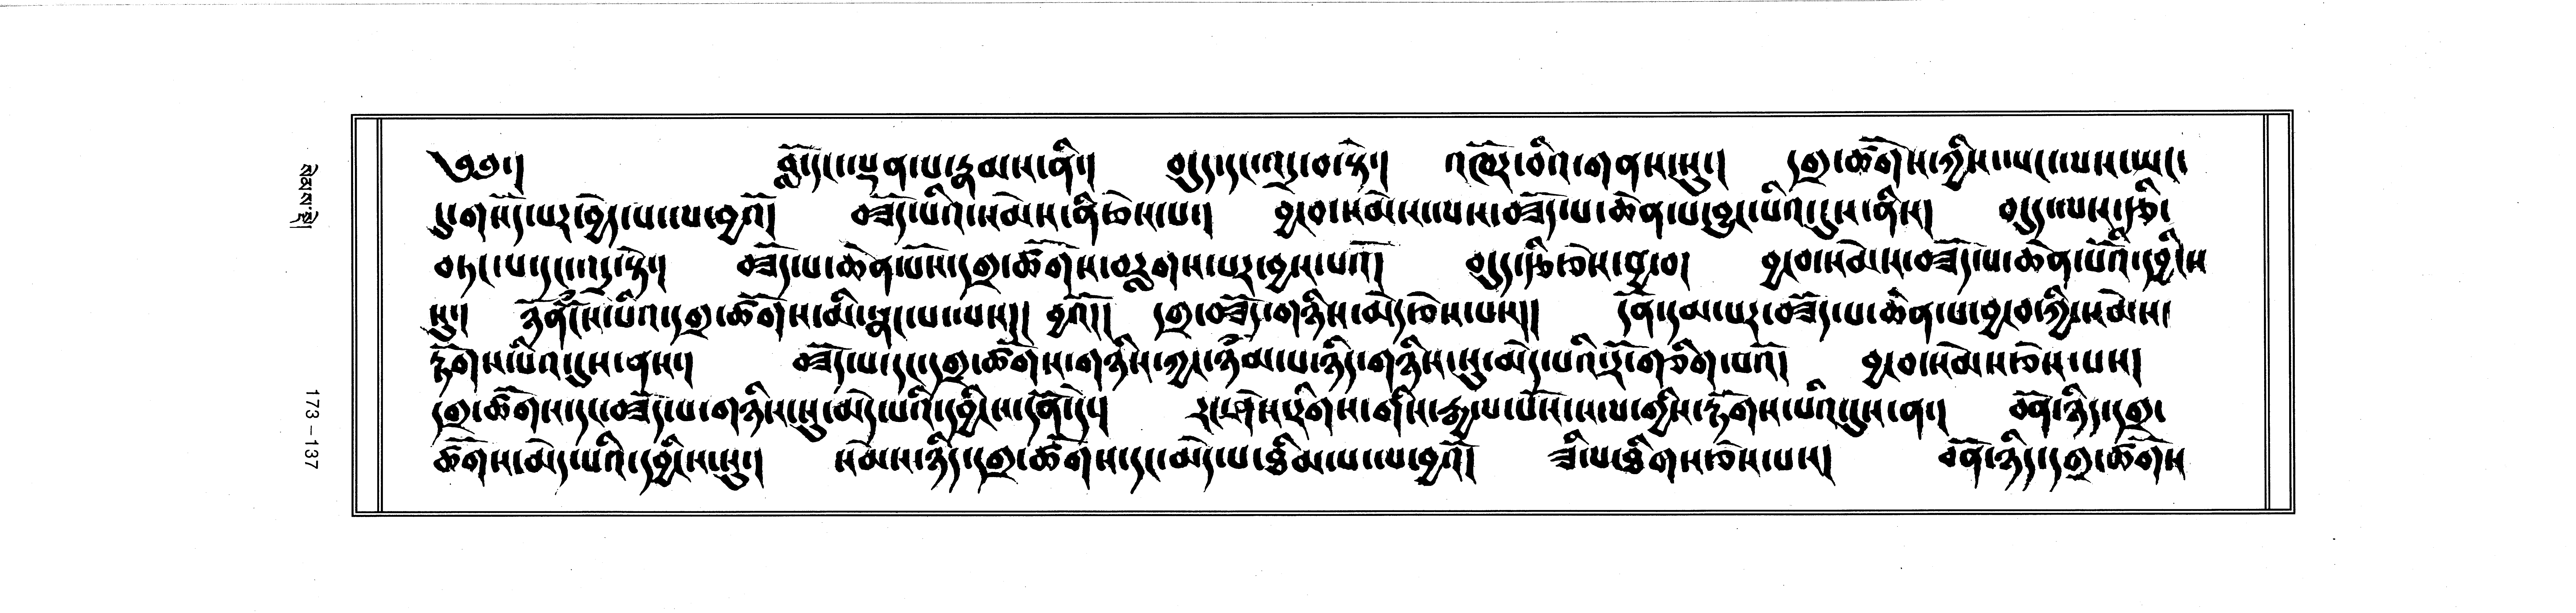བློ་དང་ལྡན་པ་རྣམས་ནི། བདུད་དང་འདྲ་སྟེ། འཁོར་བའི་གནས་སུ། དགྲ་ཚོགས་ཀྱིས་ཡང་ནས་ཡང་
དུ་གསོད་པར་བྱེད་པ་ལ་བྱའོ། །བཟོད་པའིེ་སེམས་ནི་ཅེས་པ། བྱང་ཆུབ་སེམས་ལས་བཟོད་པ་ཆེན་པོ་བྱུང་བའི་དུས་ན། བདུད་ལ་རྩི་
བཏང་བ་དང་འདྲ་སྟེ། བཟོད་པ་ཆེན་པོས་དགྲ་ཚོགས་བརླག་པར་བྱས་པའོ། །བདུད་རྩི་ཞེས་བྱ་བ་བྱང་ཆུབ་ཀྱི་སེམས་བཟོད་པ་ཆེན་པོའི་དབྱིངས་
སུ། ཉོན་མོངས་པའི་དགྲ་ཚོགས་མི་སྣང་བ་ལ་བྱའོ། །དགྲ་བཟོད་གཉིས་མེད་ཅེས་པས། དོན་དམ་པར་བཟོད་པ་ཆེན་པོ་བྱང་ཆུབ་ཀྱི་སེམས་
རྟོགས་པའི་དུས་ན། བཟོད་པ་དང་དགྲ་ཚོགས་གཉིས་ཀྱང་མཉམ་པ་ཉིད་གཉིས་སུ་མེད་པའི་རོ་གཅིག་པའོ། །བྱང་ཆུབ་སེམས་ཅེས་པས། 
དགྲ་ཚོགས་བཟོད་པ་གཉིས་མེད་པའི་དོན་དེ་གཉིས་སུ་མེད་པའི་དོན་དེ། རང་ཤེས་རིག་གི་རྒྱལ་པོས་སལ་གྱིས་རྟོགས་པའི་དུས་ནས། བོན་ཉིད་དགྲ་
ཚོགས་མེད་པའི་དབྱིངས་སུ། སེམས་ཉིད་དགྲ་ཚོགས་མེད་པར་ཐིམ་པ་ལ་བྱའོ། །ཟིལ་ཐིག་ཅེས་པས། བོན་ཉིད་དགྲ་ཚོགས་